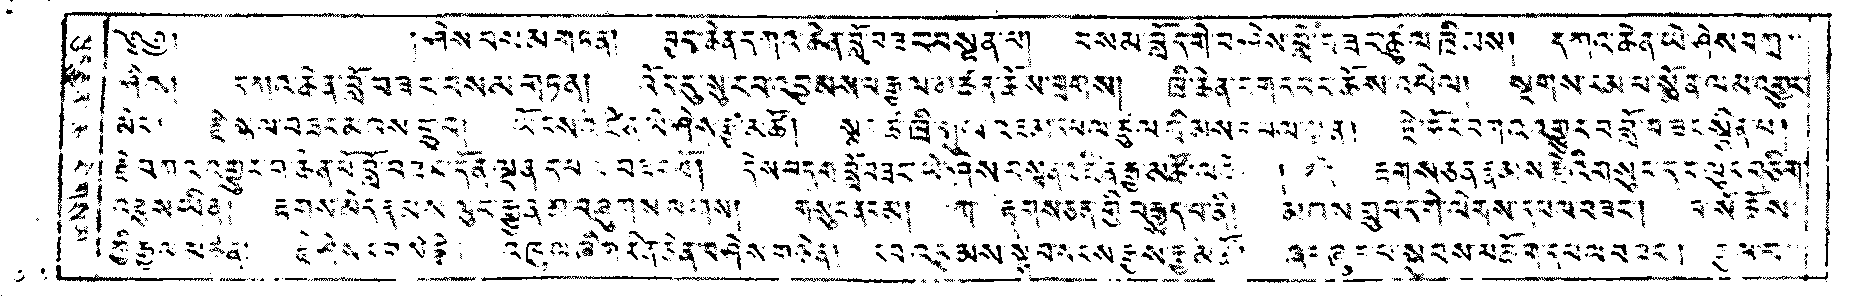༄༅། །ཤེས་བསམ་གཏན། བྱང་ཆེན་དཀའ་ཆེན་བློ་བཟང་བསྟན་པ། བསམ་བློ་དགེ་བཤེས་བློ་བཟང་ཚུལ་ཁྲིམས། དཀའ་ཆེན་ཡེ་ཤེས་བཀྲ་
ཤིས། དཀའ་ཆེན་བློ་བཟང་བསམ་གཏན། འོར་དུ་སུ་རབ་འབྱམས་པ་རྒྱལ་མཚན་ཆོས་གྲགས། ཁྲི་ཆེན་ངག་དབང་ཆོས་འཕེལ། སྔགས་རམ་པ་སྨོན་ལམ་འགྱུར་
མེད། རྗེ་སྐལ་བཟང་མཁས་གྲུབ། ཡོངས་འཛིན་ཡེ་ཤེས་རྒྱ་མཚོ། སྨད་ཚ་ཁྲི་སྤྲུལ་འཇམ་དཔལ་ཚུལ་ཁྲིམས་དཔལ་ལྡན། ཏྲེ་ཧོར་བཀའ་འགྱུར་བ་བློ་བཟང་སྦྱིན་པ།
རྗེ་བཀའ་འགྱུར་བ་ཆེན་པོ་བློ་བཟང་དོན་ལྡན་དཔལ་བཟང་པོ། དེས་བདག་བློ་བཟང་ཡེ་ཤེས་བསྟན་འཛིན་རྒྱ་མཚོ་ལའོ། །༡?་རྟགས་ཅན་རྣམས་རྗེའི་གསུང་དང་ལུང་གཅིག་
འཐུས་ཡིན། རྟགས་མེད་རྣམས་ལུང་རྒྱུན་མ་བཞུགས་ལགས། གསུང་ནང་མ། ཀ་རྟགས་ཅན་གྱི་བརྒྱུད་པ་ནི། མཁས་གྲུབ་དགེ་ལེགས་དཔལ་བཟང་། པ་སོ་ཆོས་
ཀྱི་རྒྱལ་མཚན། རྗེ་ཤེས་རབ་སེངྒེ། འཁྲུལ་ཞིག་རིན་ཆེན་བཤེས་གཉེན། རབ་འབྱམས་སྨྲ་བ་སངས་རྒྱས་རྒྱ་མཚོ། ཞང་ཞུང་པ་སྐྱབས་མཆོག་དཔལ་བཟང་། རྒྱལ་བ་